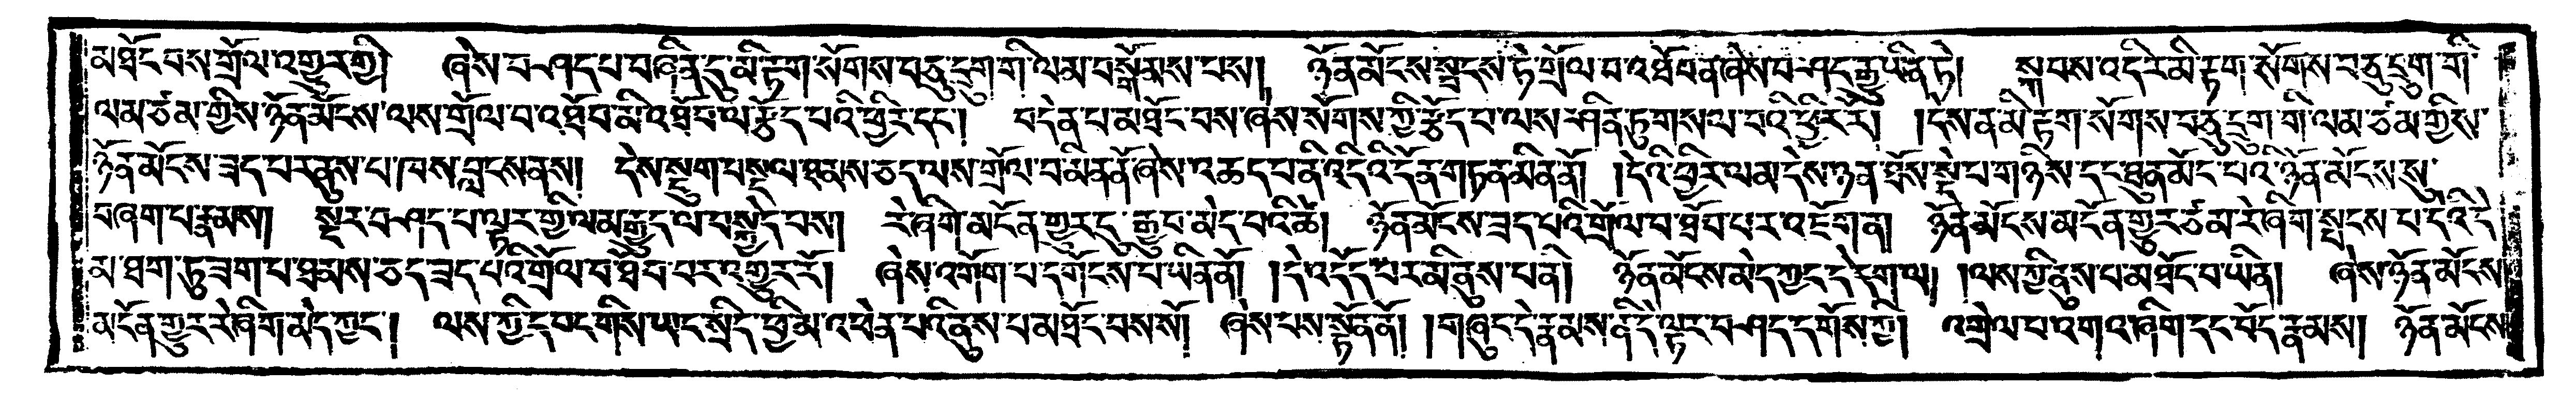མཐོང་བས་གྲོལ་འགྱུར་གྱི། ཞེས་བཤད་པ་བཞིན་དུ་མི་རྟག་སོགས་བཅུ་དྲུག་གི་ལམ་བསྒོམས་པས། ཉོན་མོངས་སྤངས་ཏེ་གྲོལ་བ་འཐོབ་ན་ཞེས་བཤད་རྒྱུ་ཡིན་ཏེ། སྐབས་འདིར་མི་རྟག་སོགས་ཅུ་དྲུག་གི་
ལམ་ཙམ་གྱིས་ཉོན་མོངས་ལས་གྲོལ་བ་འཐོབ་མི་འཐོབ་ལ་རྩོད་པའི་ཕྱིར་དང་། བདེན་པ་མཐོང་བས་ཞེས་སོགས་ཀྱི་རྩོད་པ་ལས་ཤིན་ཏུ་གསལ་བའི་ཕྱིར་རོ། །དེས་ན་མི་རྟག་སོགས་བཅུ་དྲུག་གི་ལམ་ཙམ་གྱིས་
ཉོན་མོངས་ཟད་པར་ནུས་པ་ཁས་བླངས་ནས། དེས་སྡུག་བསྔལ་ཐམས་ཅད་ལས་གྲོལ་བ་མིན་ནོ་ཞེས་འཆད་པ་ནི་འདིའི་དོན་གཏན་མིན་ནོ། །དེའི་ཕྱིར་ལམ་དེས་ཉན་ཐོས་སྡེ་པ་གཉིས་དང་ཐུན་མོང་བའི་ཉོན་མོངས་སུ་
བཞག་པ་རྣམས། སྔར་བཤད་པ་ལྟར་གྱི་ལམ་རྒྱུད་ལ་བསྐྱེད་པས། རེ་ཞིག་མངོན་གྱུར་དུ་རྒྱུ་བ་མེད་པའི་ཚེ། ཉོན་མོངས་ཟད་པའི་གྲོལ་བ་ཐོབ་པར་འཇོག་ན། ཉོན་མོངས་མངོན་གྱུར་ཙམ་རེ་ཞིག་སྤངས་པ་དེའི་དེ་
མ་ཐག་ཏུ་ཟག་པ་ཐམས་ཅད་ཟད་པའི་གྲོལ་བ་ཐོབ་པར་འགྱུར་རོ། ཞེས་འགོག་པ་དགོངས་པ་ཡིན་ནོ། །དེ་འདོད་པར་མི་ནུས་པ་ནི། ཉོན་མོངས་མེད་ཀྱང་དེ་དག་ལ། །ལས་ཀྱི་ནུས་པ་མཐོང་བ་ཡིན། ཞེས་ཉོན་མོངས་
མངོན་གྱུར་རེ་ཞིག་མེད་ཀྱང་། ལས་ཀྱི་དབང་གིས་ཡང་སྲིད་ཕྱི་མ་འཕེན་པའི་ནུས་པ་མཐོང་བས་སོ། ཞེས་པས་སྟོན་ནོ། །གཞུང་དེ་རྣམས་ནི་དེ་ལྟར་བཤད་དགོས་ཀྱི། འགྲེལ་པ་འགའ་ཞིག་དང་བོད་རྣམས། ཉོན་མོངས་